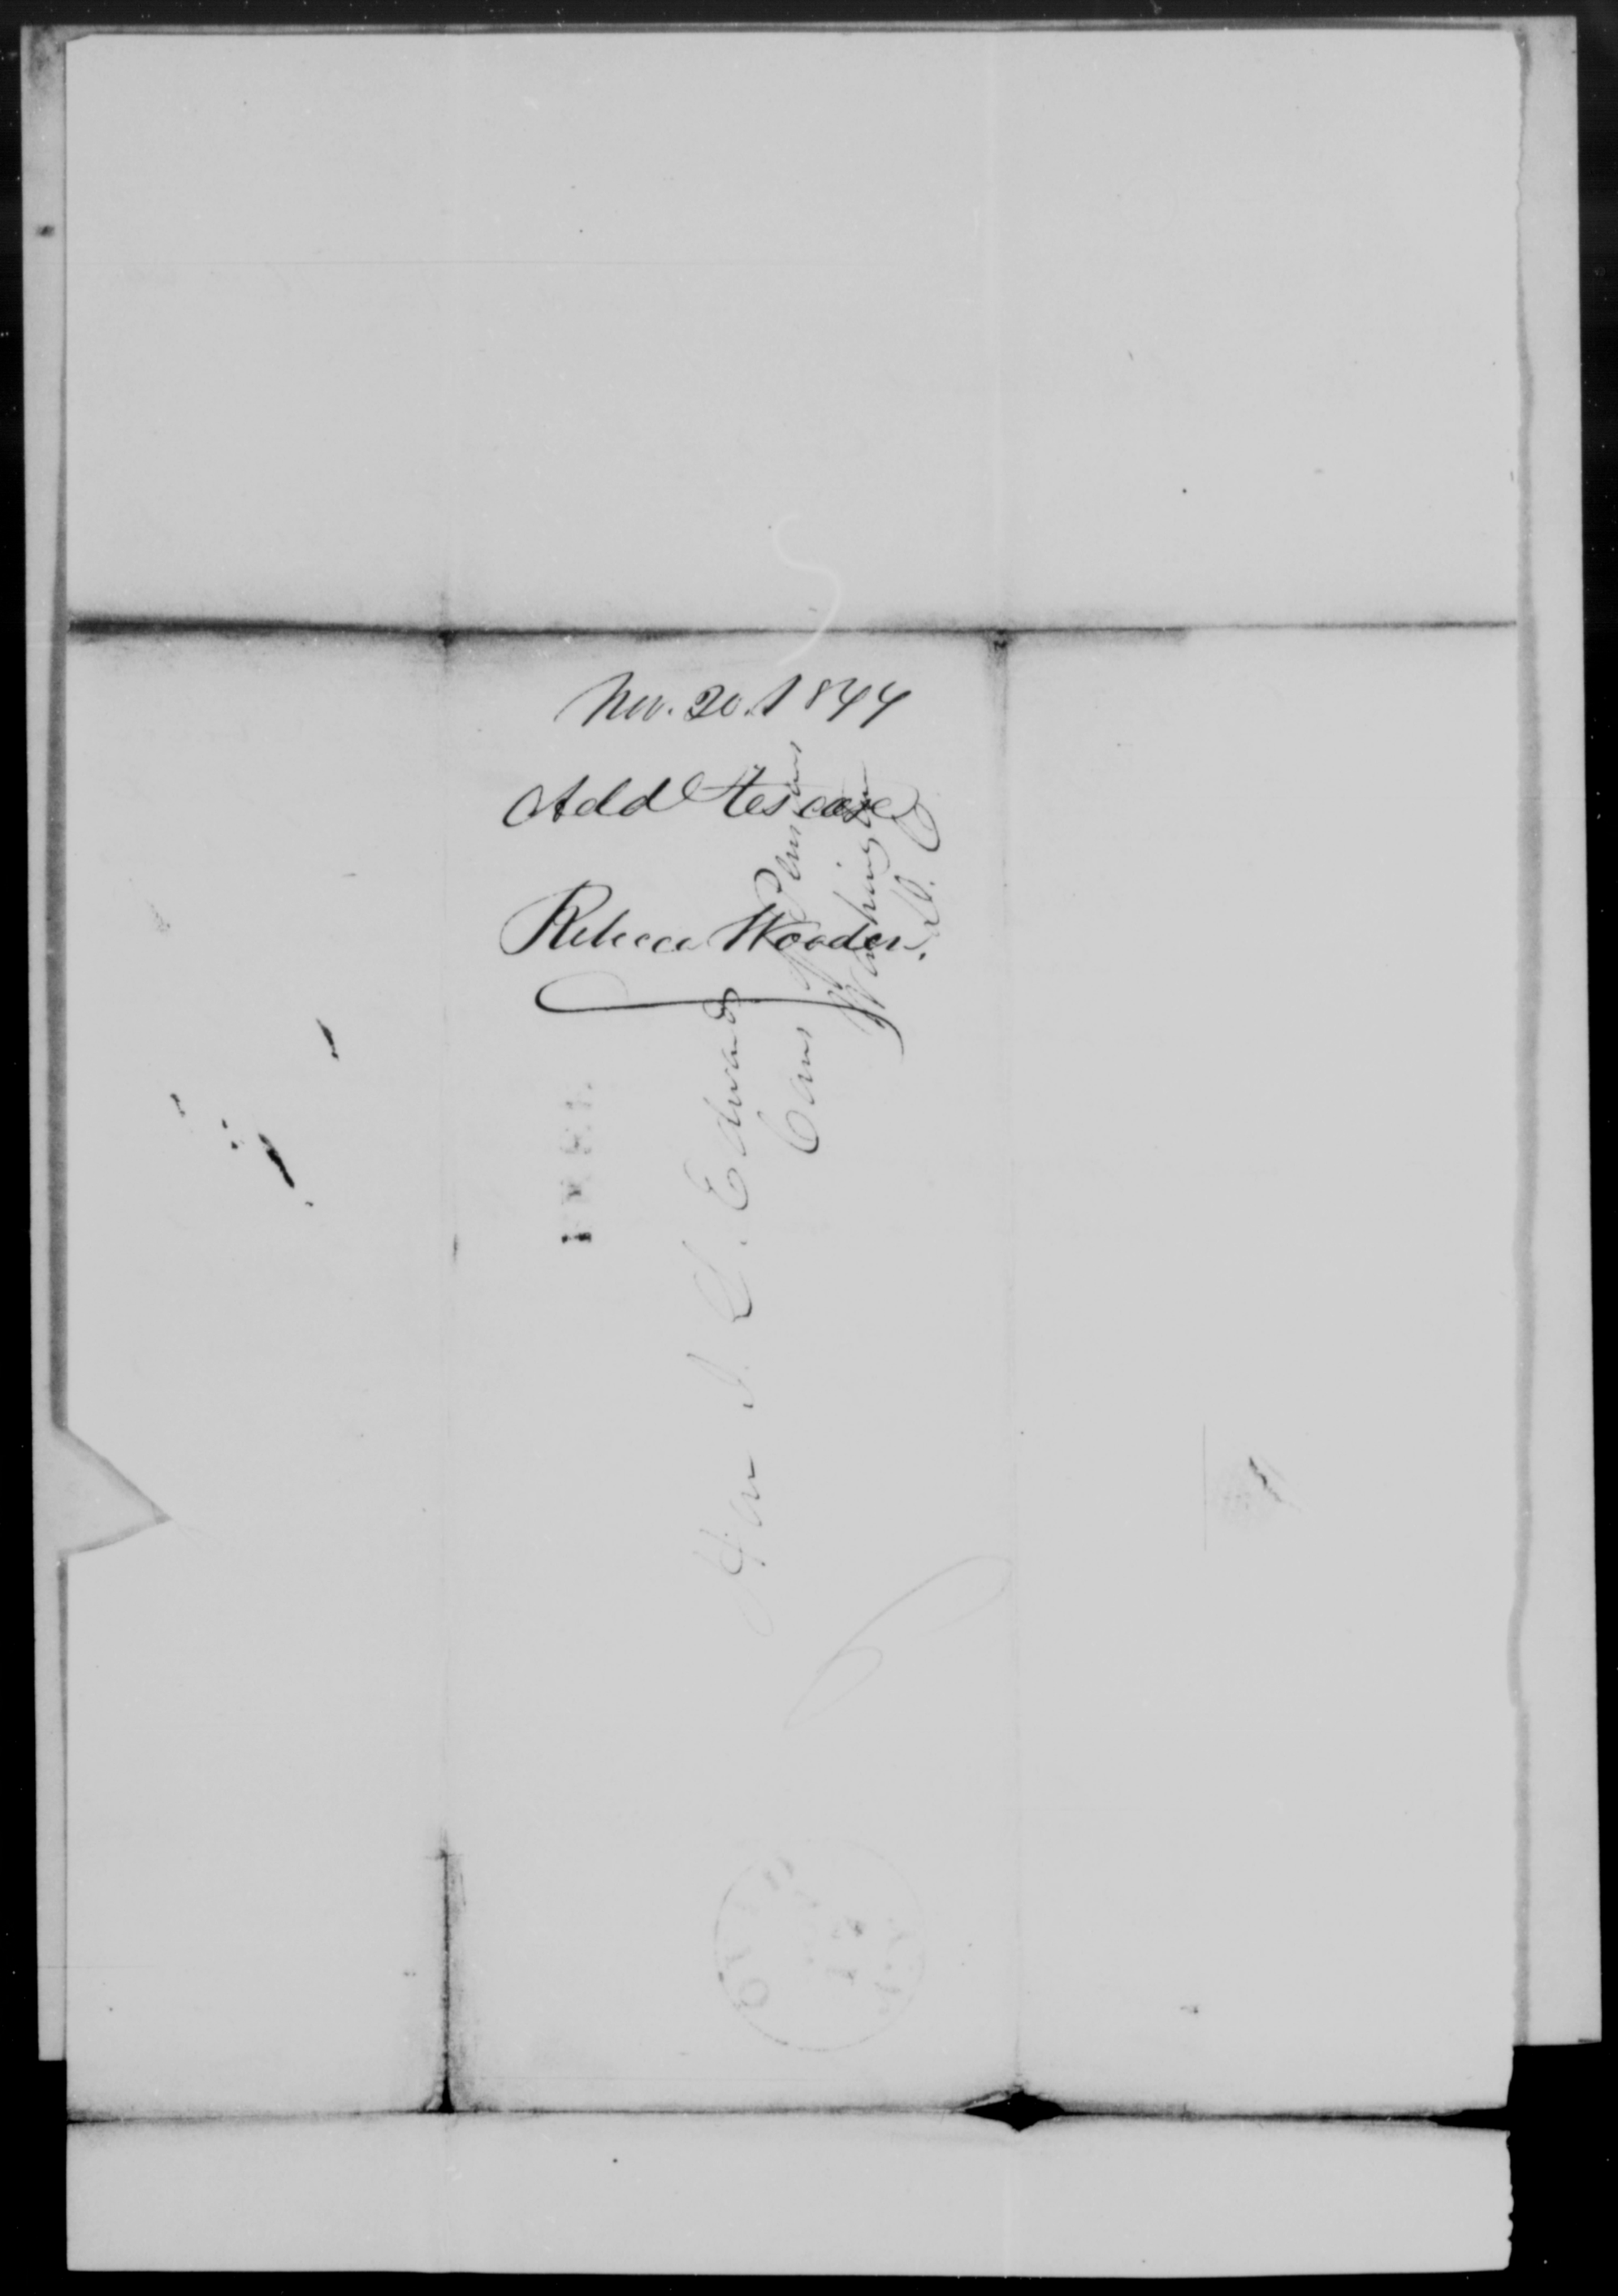Nov. 20 1844
Addl tes case
Rebecca Wooden


Hon. J. L. Edwards
Comr of Pensions
Washington
D.C.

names: J L Edwards, Rebecca Wooden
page: 62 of 77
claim: widow's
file: W. 19658, John Woodin, New York